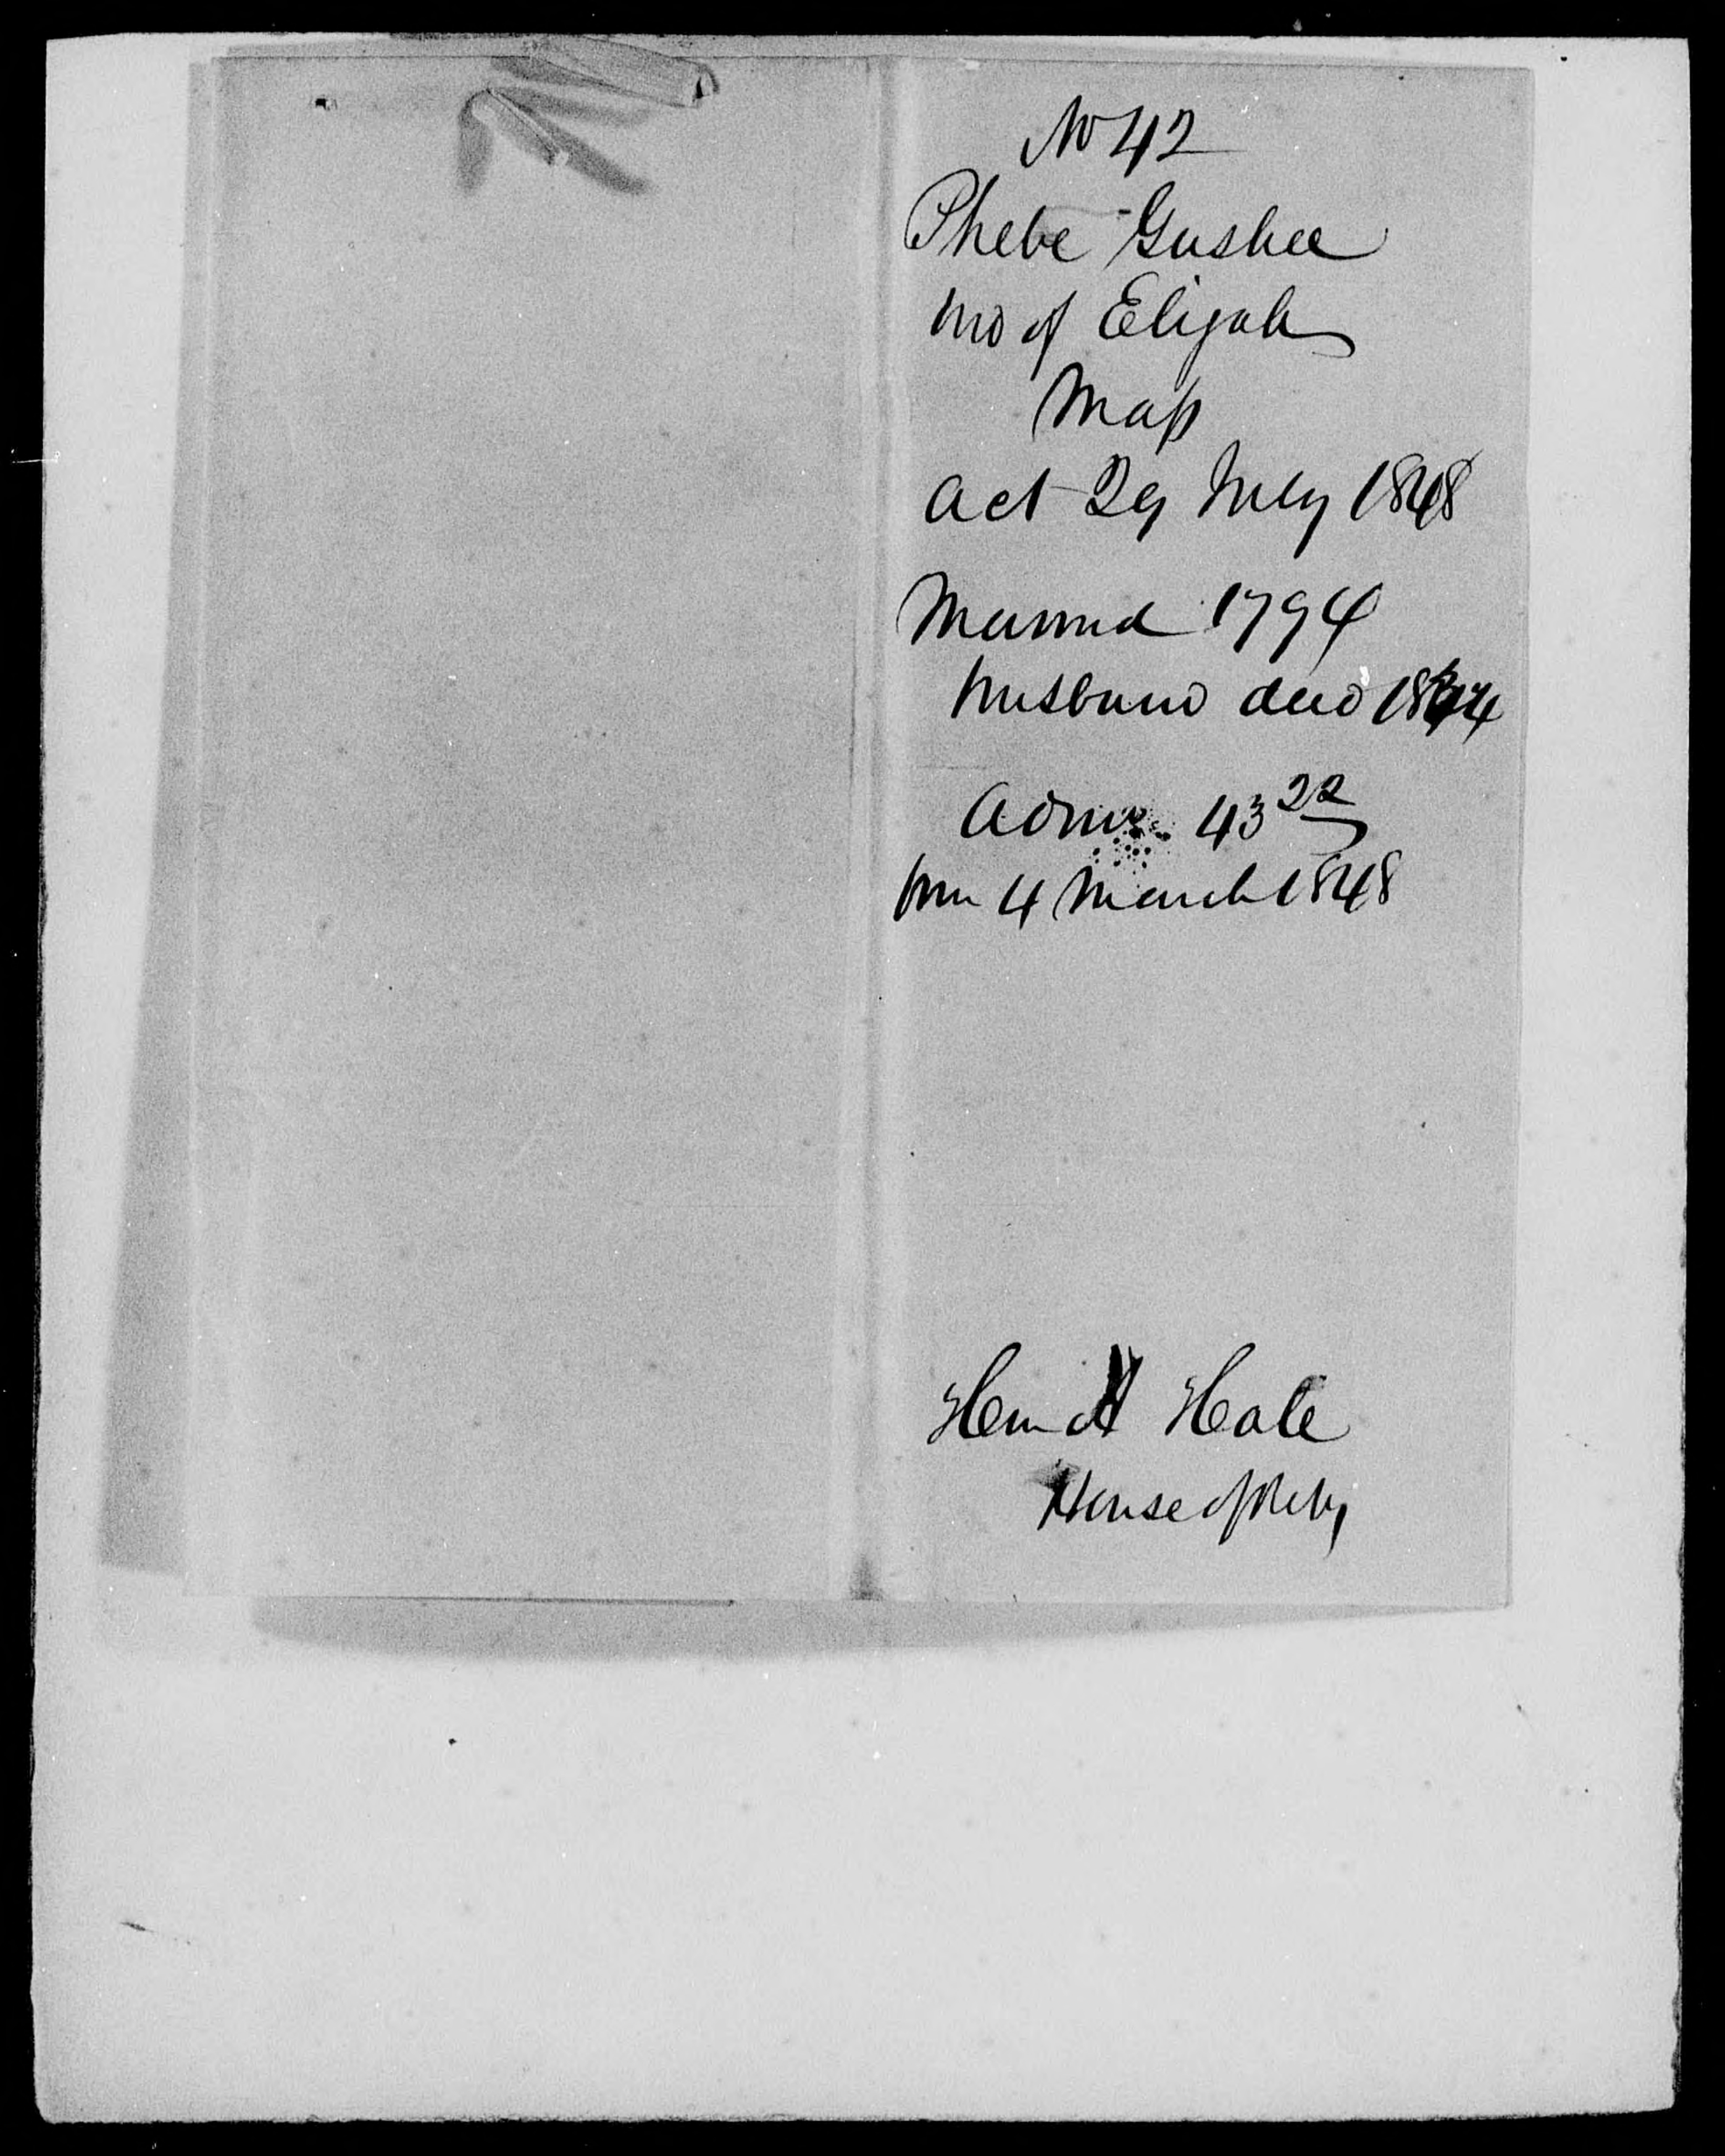Phebe Gushee
wid of Elijah
Mass
Act 29 July 1848

Married 1794
husband died 1874

Aom  43.20
From 4 March 1848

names: A Hale, Phebe Gushee, Elijah Gushee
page: 14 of 36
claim: widow's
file: W. 8838, Elijah Gushee, Mass.